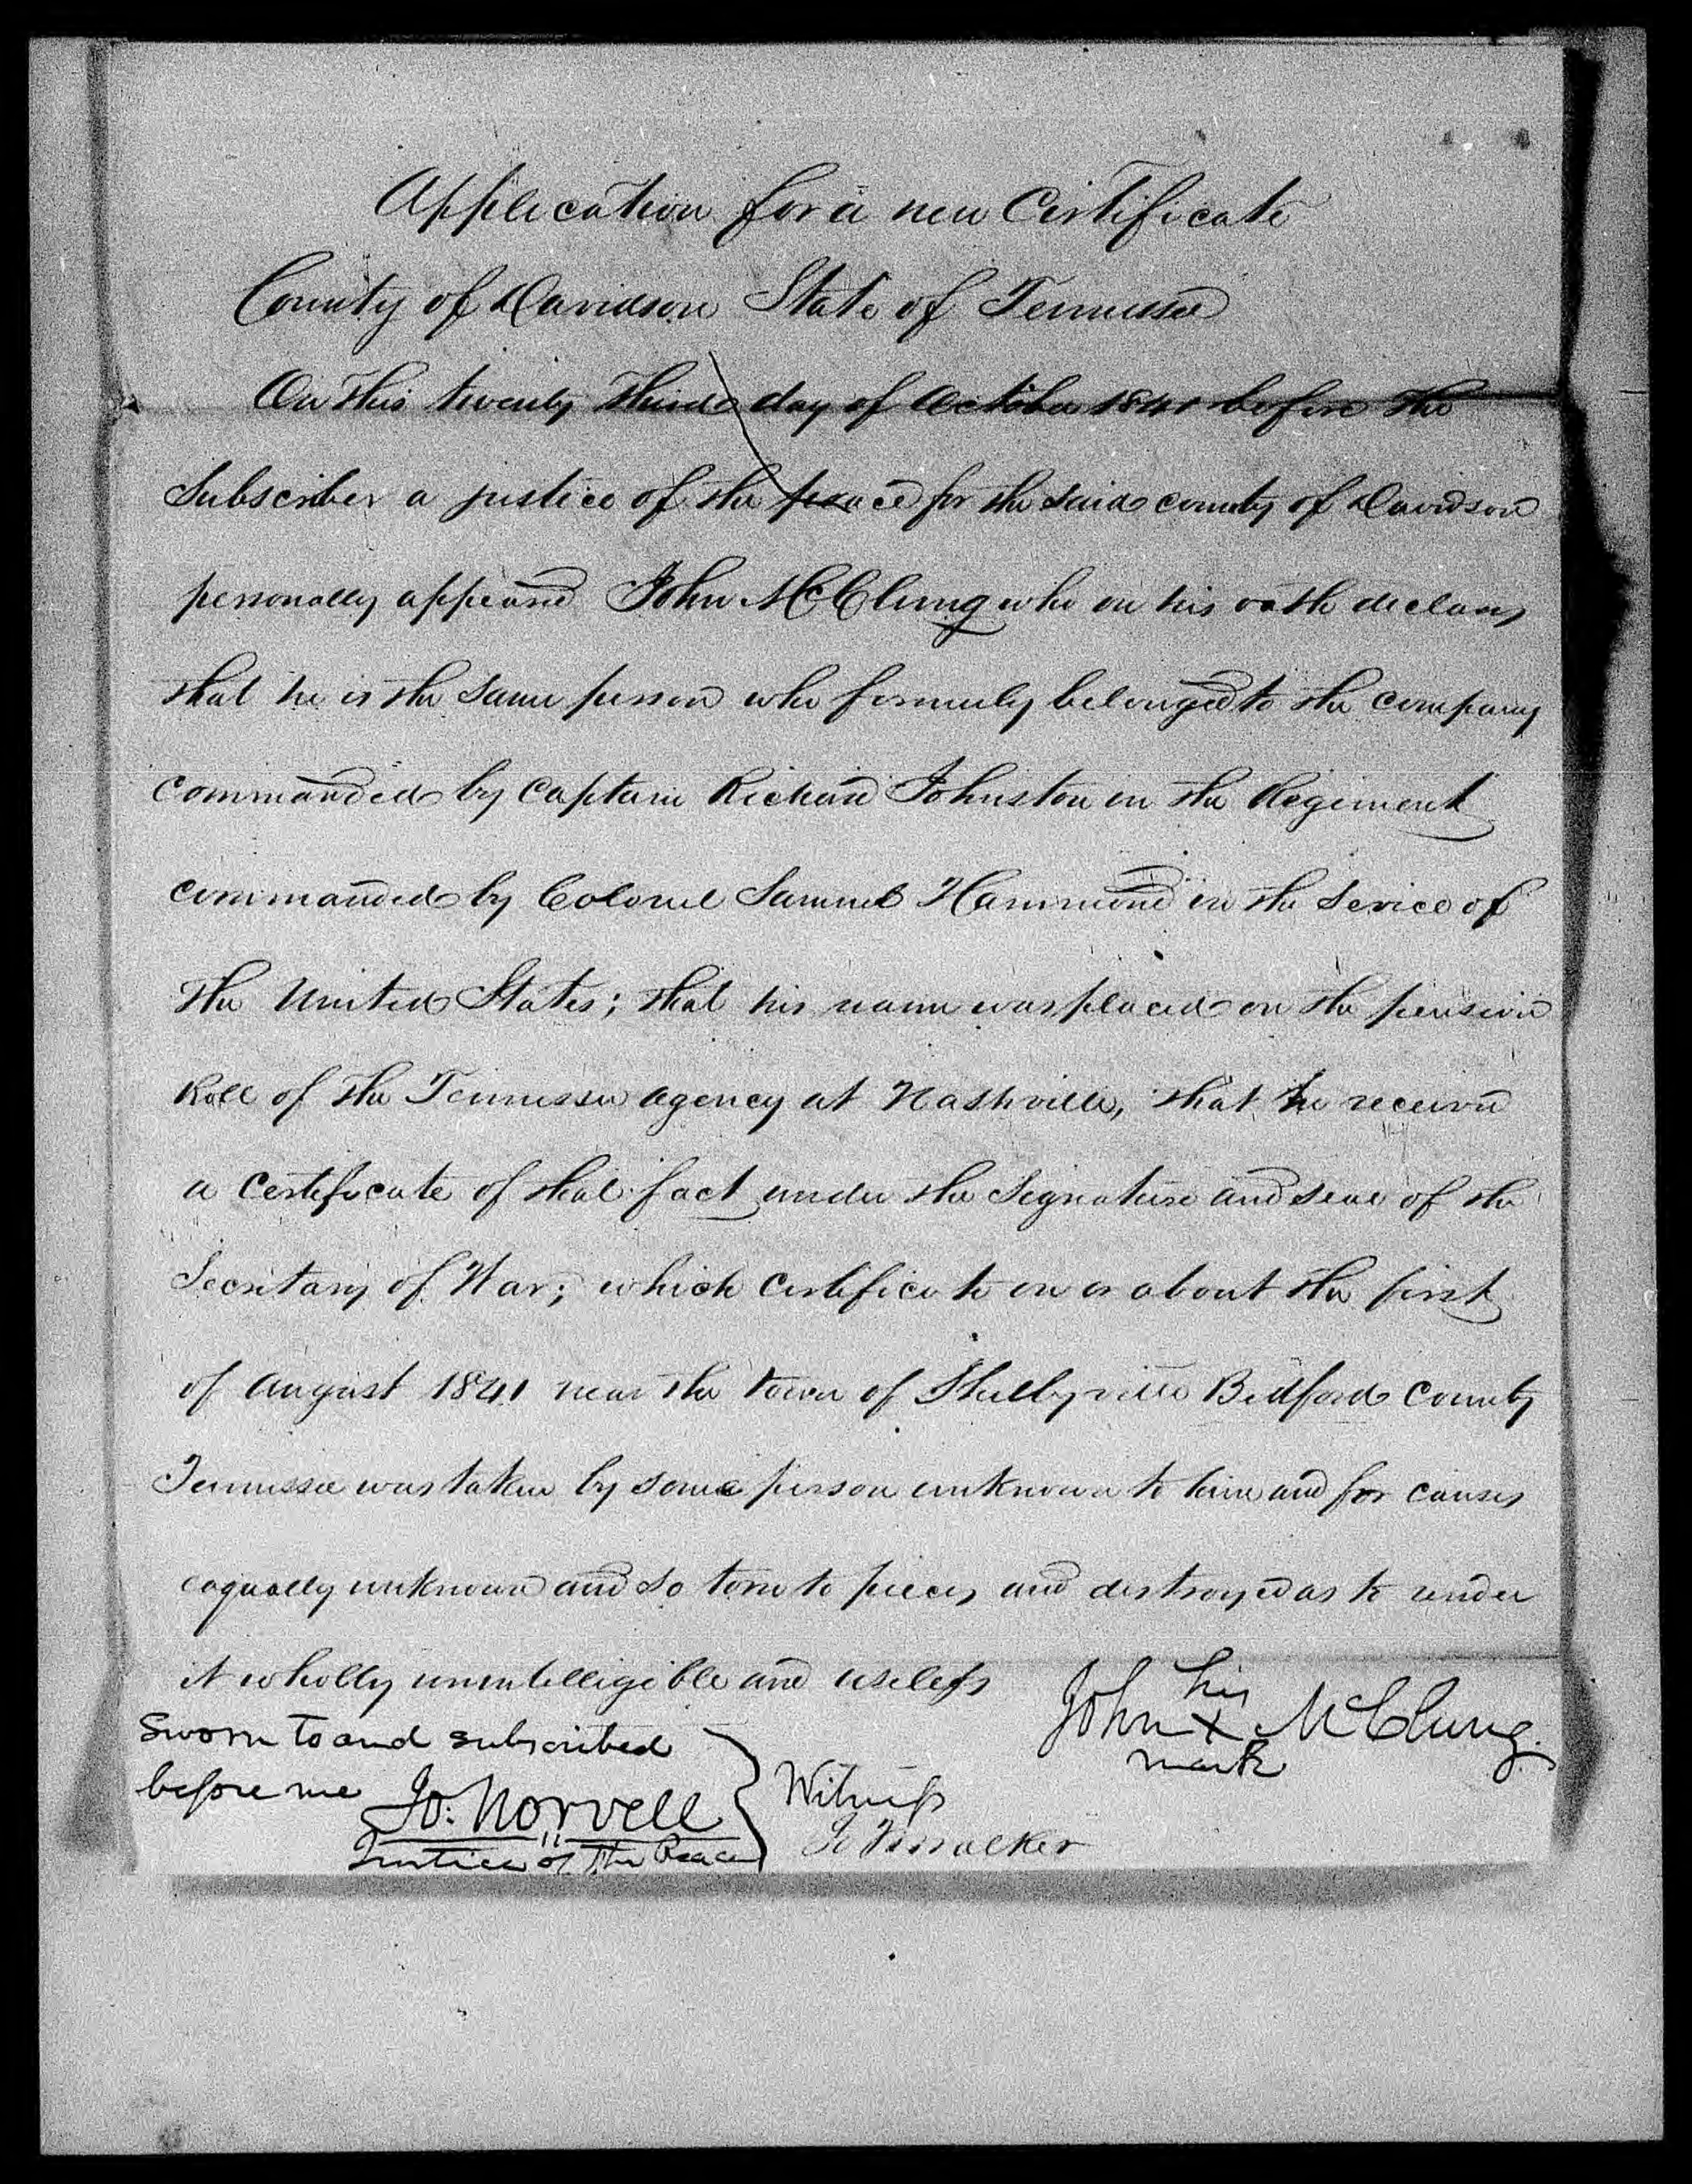Application for a new certificate
County of Davidson State of Tennessee
On this twenty third day of October 1841 before the Subscriber a Justice of the peace for the said County of Davidson personally appeared John McClung who on his oath declares that he is the same person who formerly belonged to the company commanded by Captain Richard Johnston in the Regiment commanded by Colonel Samuel Hammond in the service of the United States; that his name was placed on the pension Roll of the Tennessee agency at Nashville, that he received a certificate of that fact under the signature and seal of the Secretary of War; which certificate on or about the first of August 1841 near the town of Shelbyville Bedford County Tennessee was taken by some person unknown to him and for causes equally unknown and so torn to pieces and destroyed as to render it wholly unintelligible and useless
[signed] John X McClung his mark

Sworn to and subscribed before me
Jo. Norvell
Justice of the Peace
Witness F P Walker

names: F P Walker; Richard Johnston; Samuel Hammond; Jo Norvell; John Mc Clung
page: 88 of 115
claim: widow's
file: W. 1446, for John Mc Clung, South Carolina